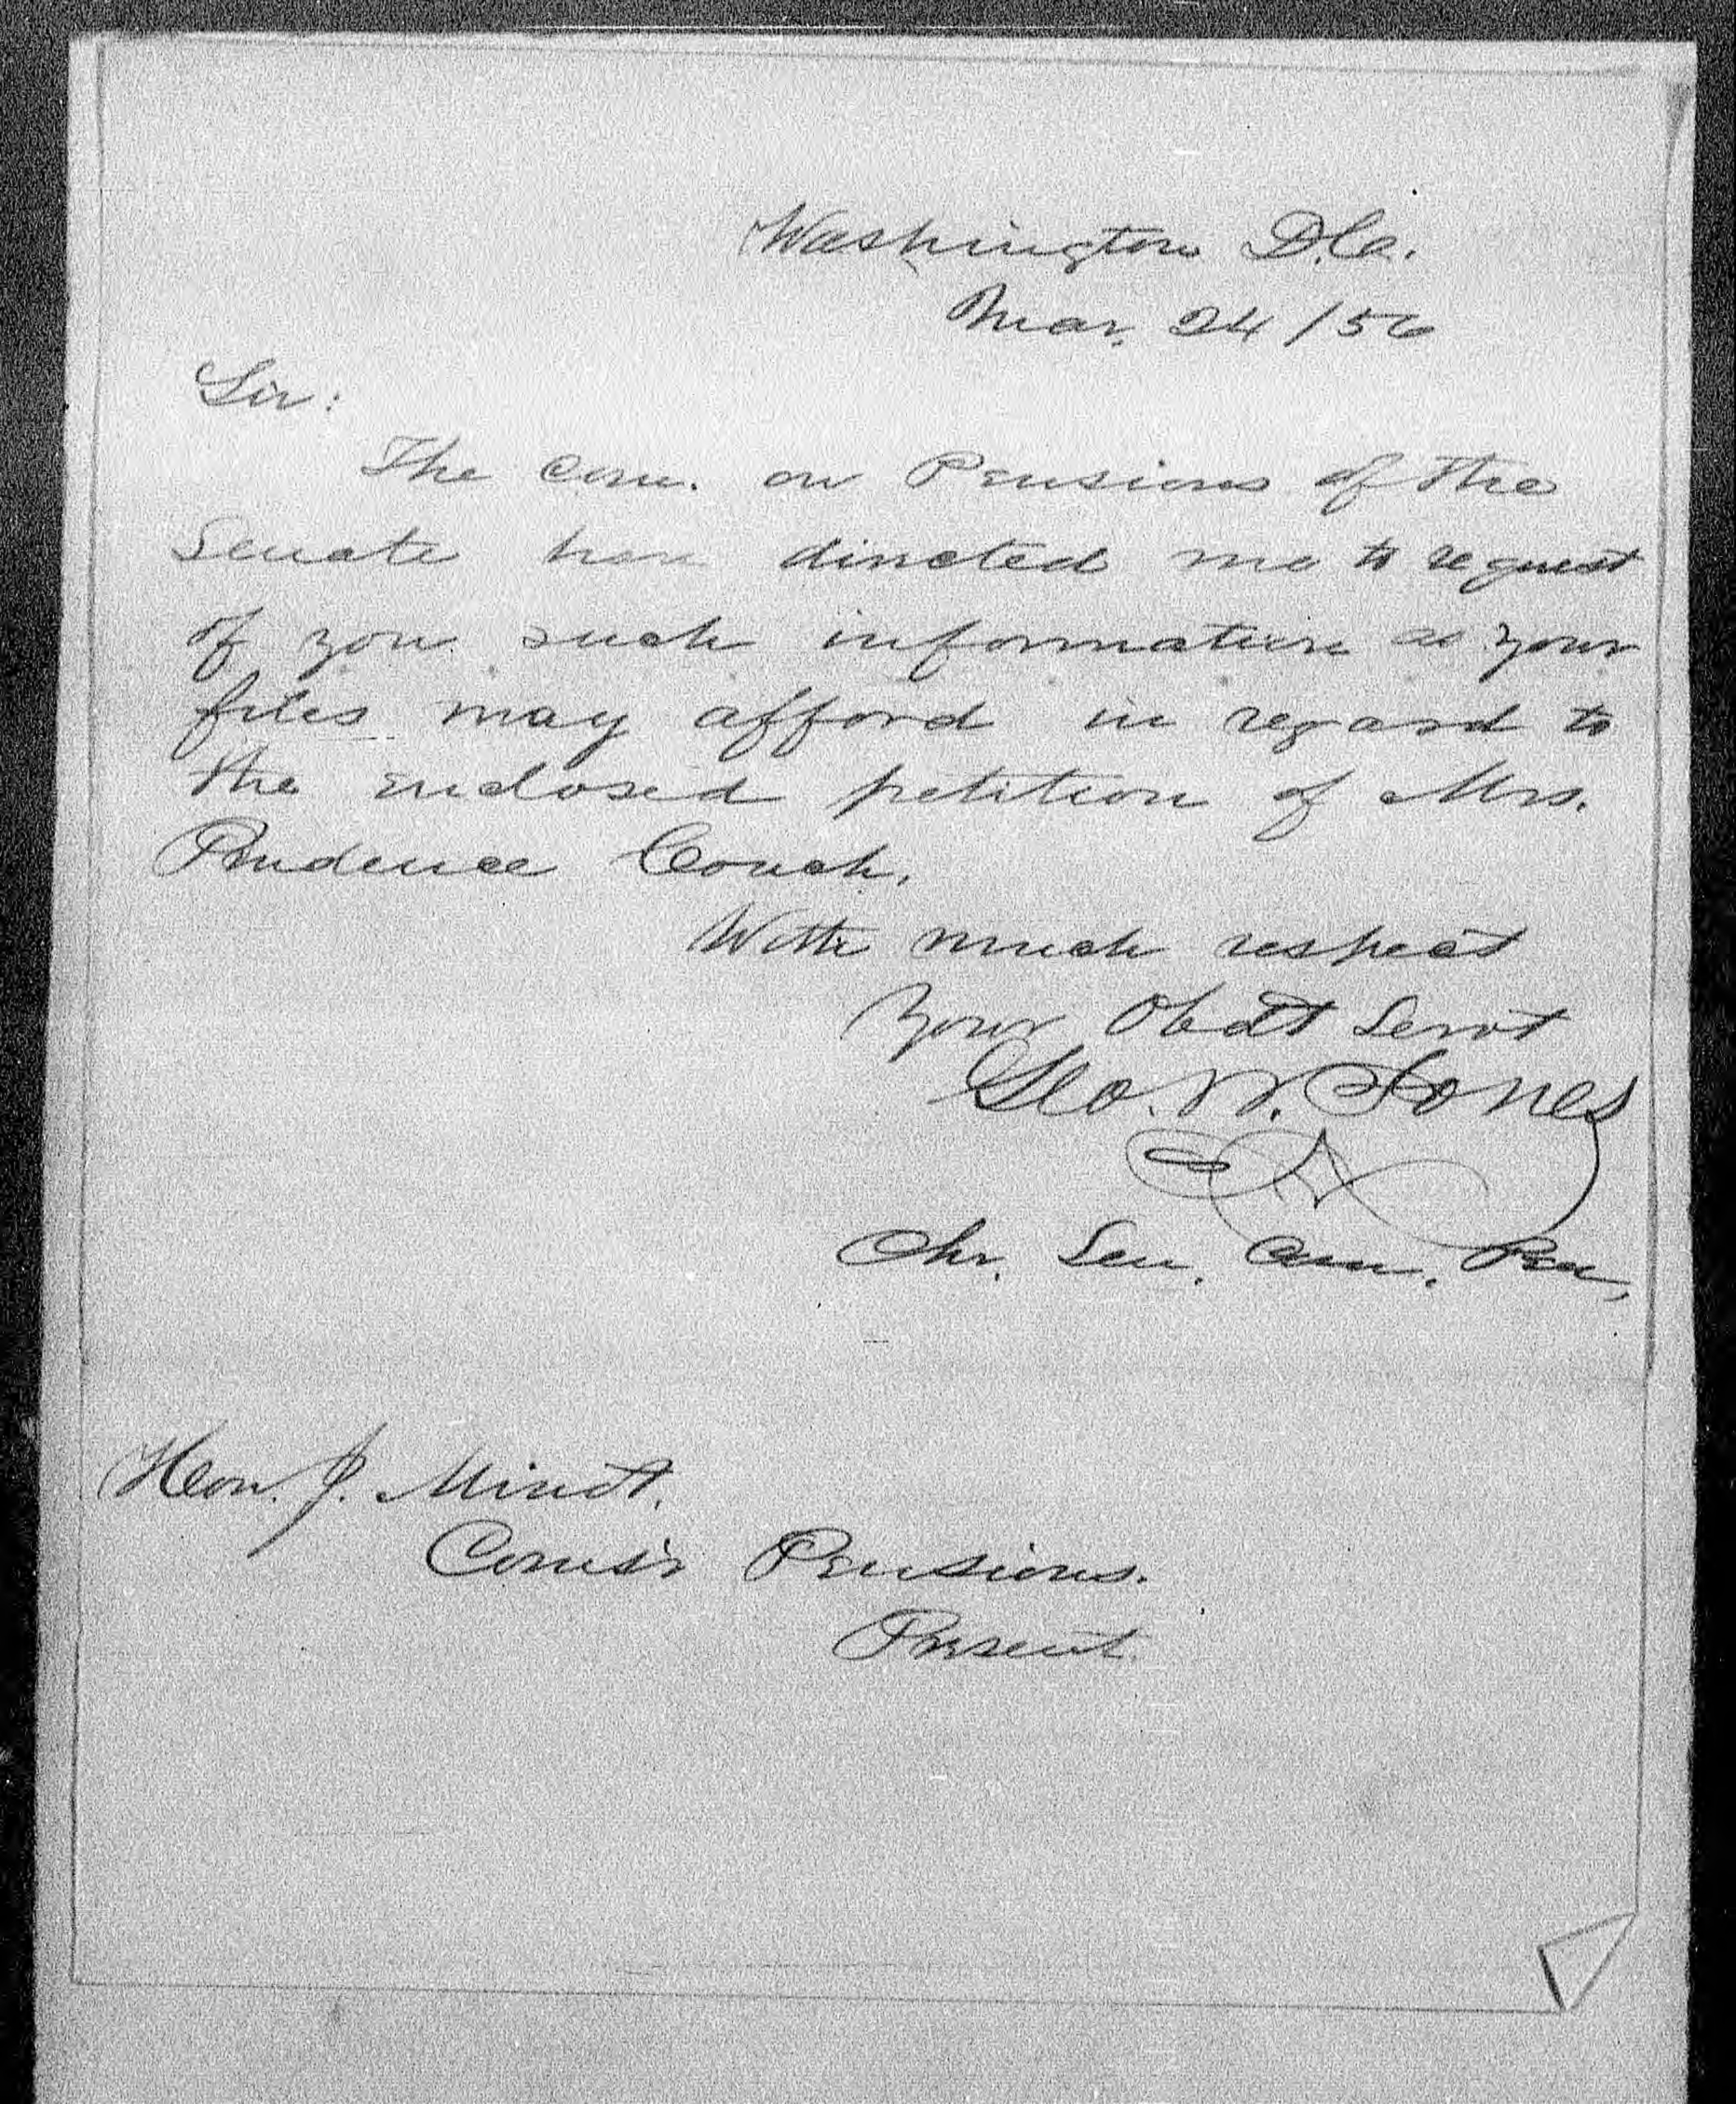Washington DC
Mar 24/56

Sir:
The com. on Pension of the Senate have directed me to request of you such information as your files may afford in regard to the enclosed petition of Mrs. Prudence Couch.
With much respect your obt servt
Geo. W. Jones
ohr. sec. comm. pen


Hon. J. Minot
Commr Pensions
Present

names: J Minot, Geo W Jones, Prudence Couch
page: 32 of 68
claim: rejected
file: R. 2,360, John Couch, Conn.